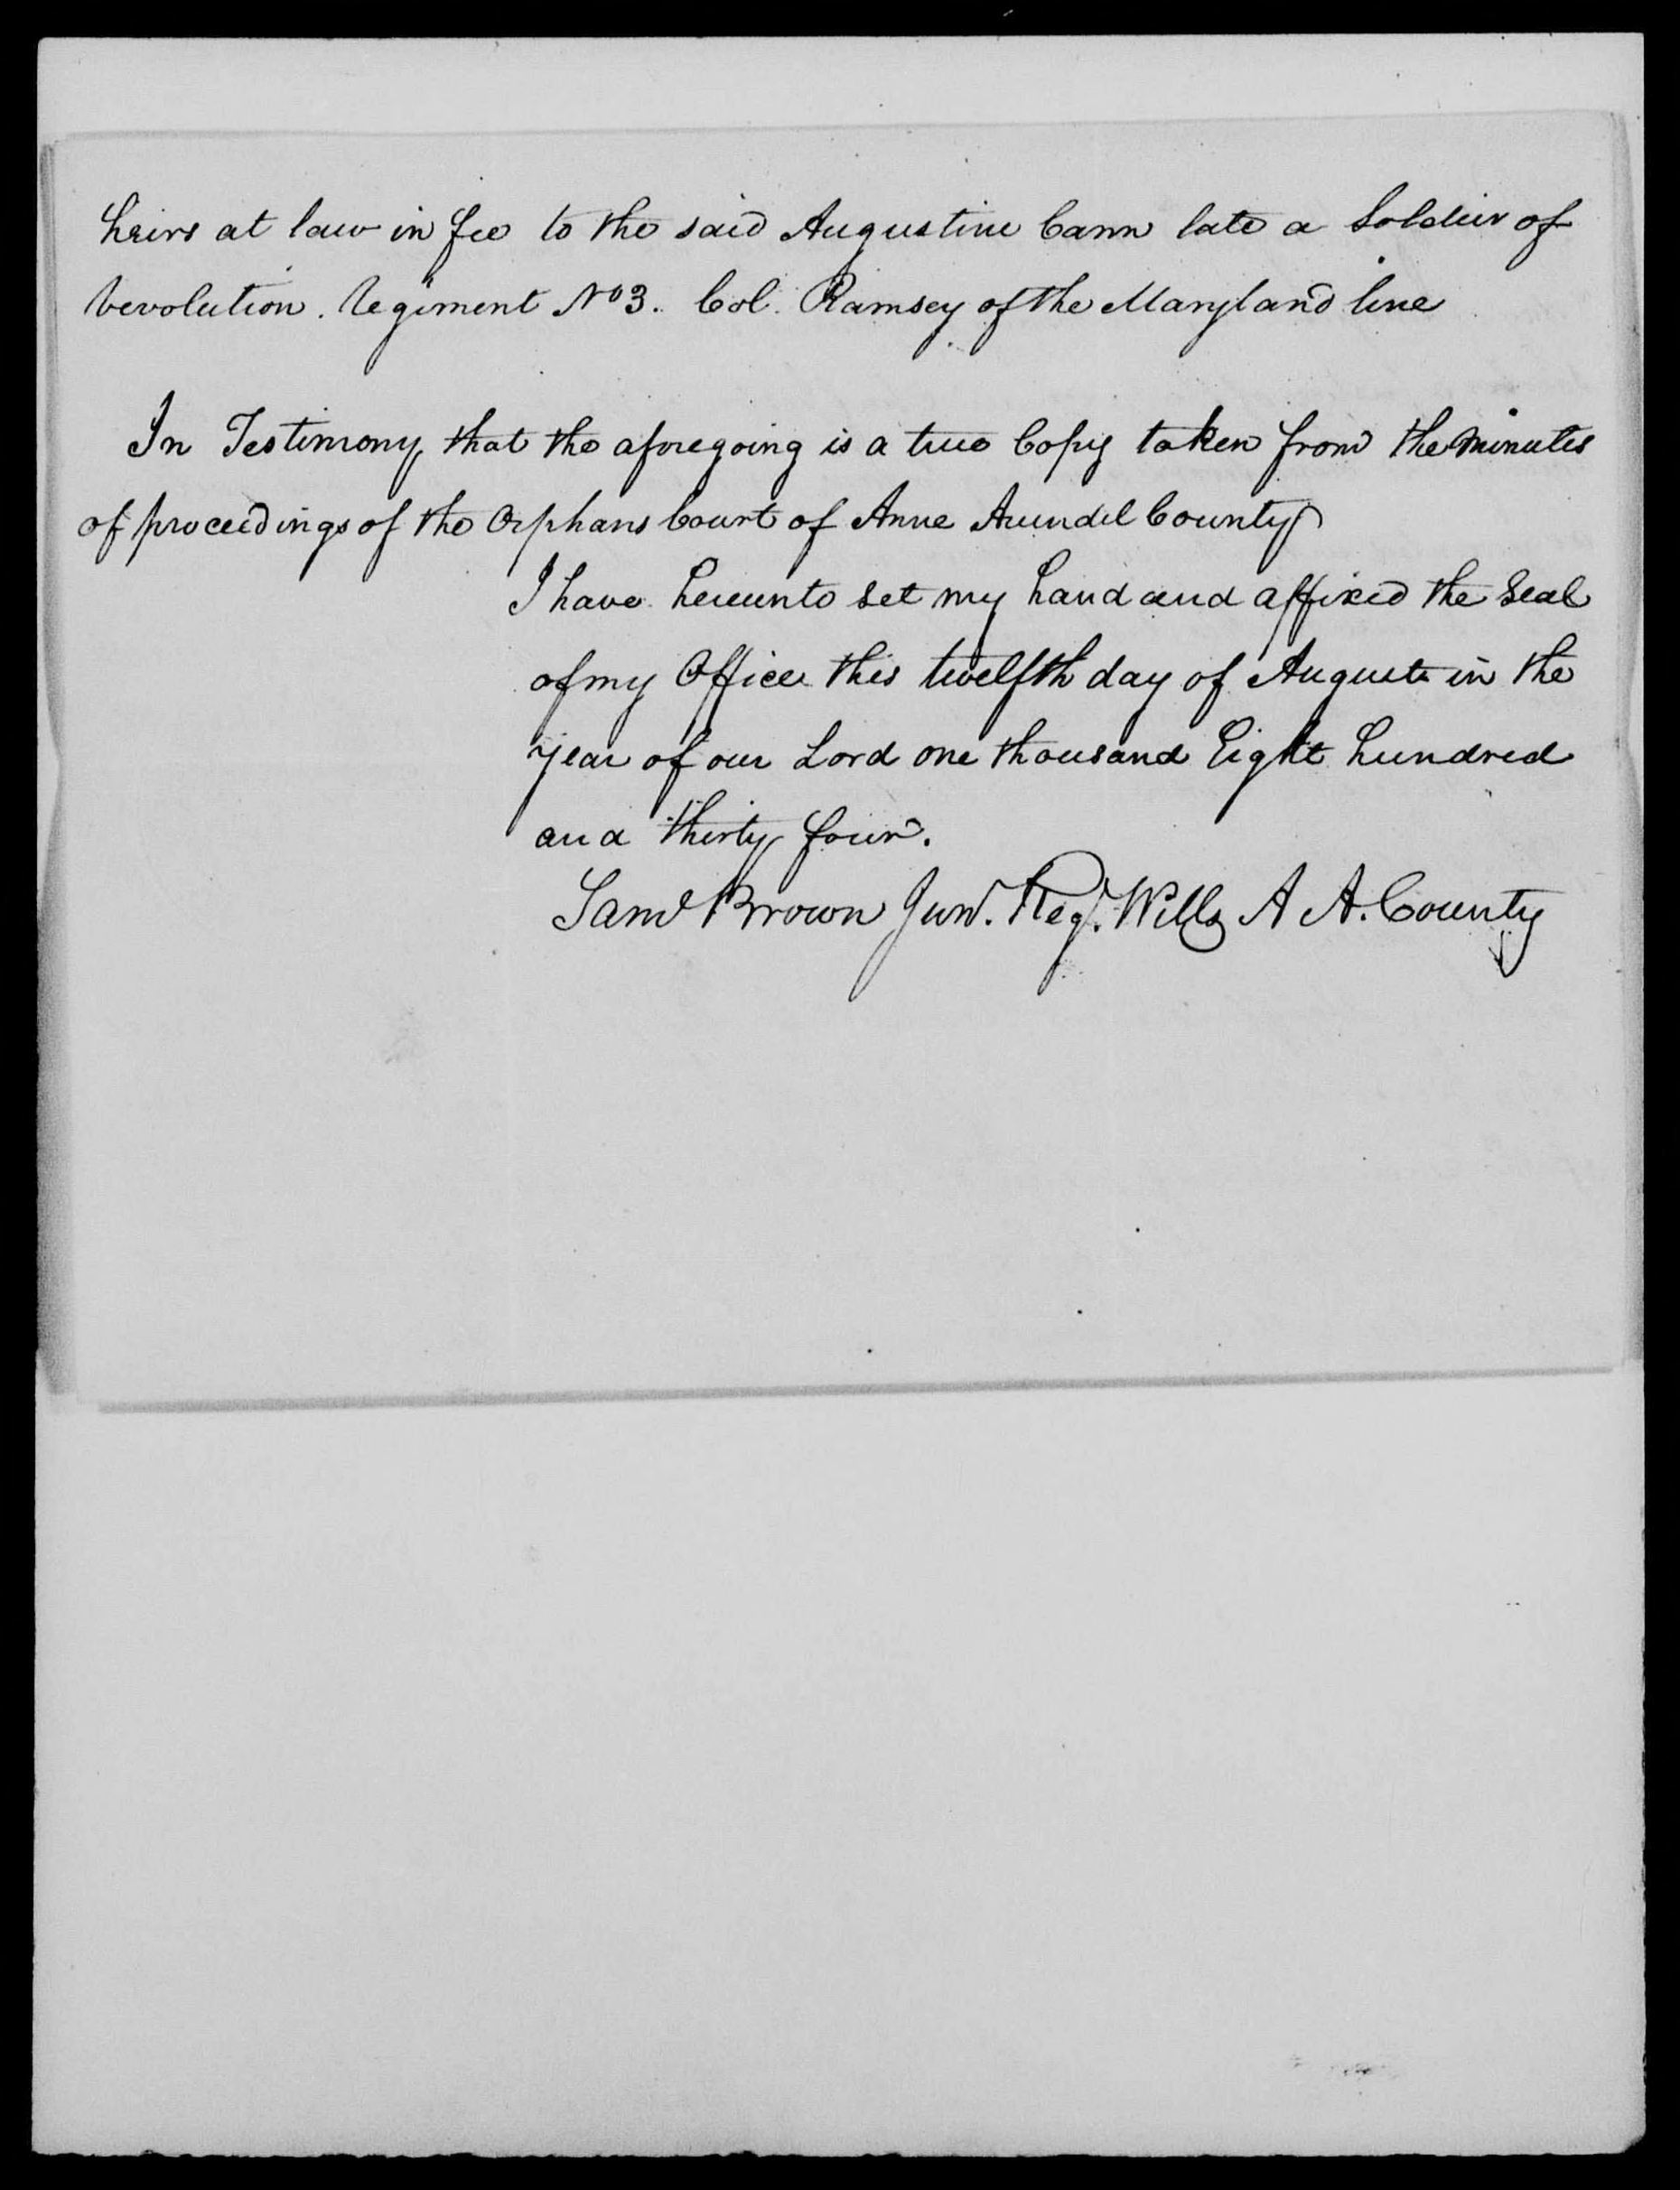heirs at law in fee to the said Augustine Cann late a Soldier of
Revolution. Regiment No3. Col Ramsey of the Maryland line

In Testimony that the aforegoing is a true copy taken from the minutes
of proceedings of the Orpahns Court of Anne Arundel County
I have hereunto set my hand and affixed the Seal
of my Office this twelfth day of August in the 
year of our Lord one thousand Eight hundred
and thirty four.

Saml Brown Junr Reg. Wills A A. County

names: Ramsey, Saml Brown, Augustine Cann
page: 8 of 9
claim: bounty land warrant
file: B.L.Wt. 2059-100, Augustine Cann, Md.